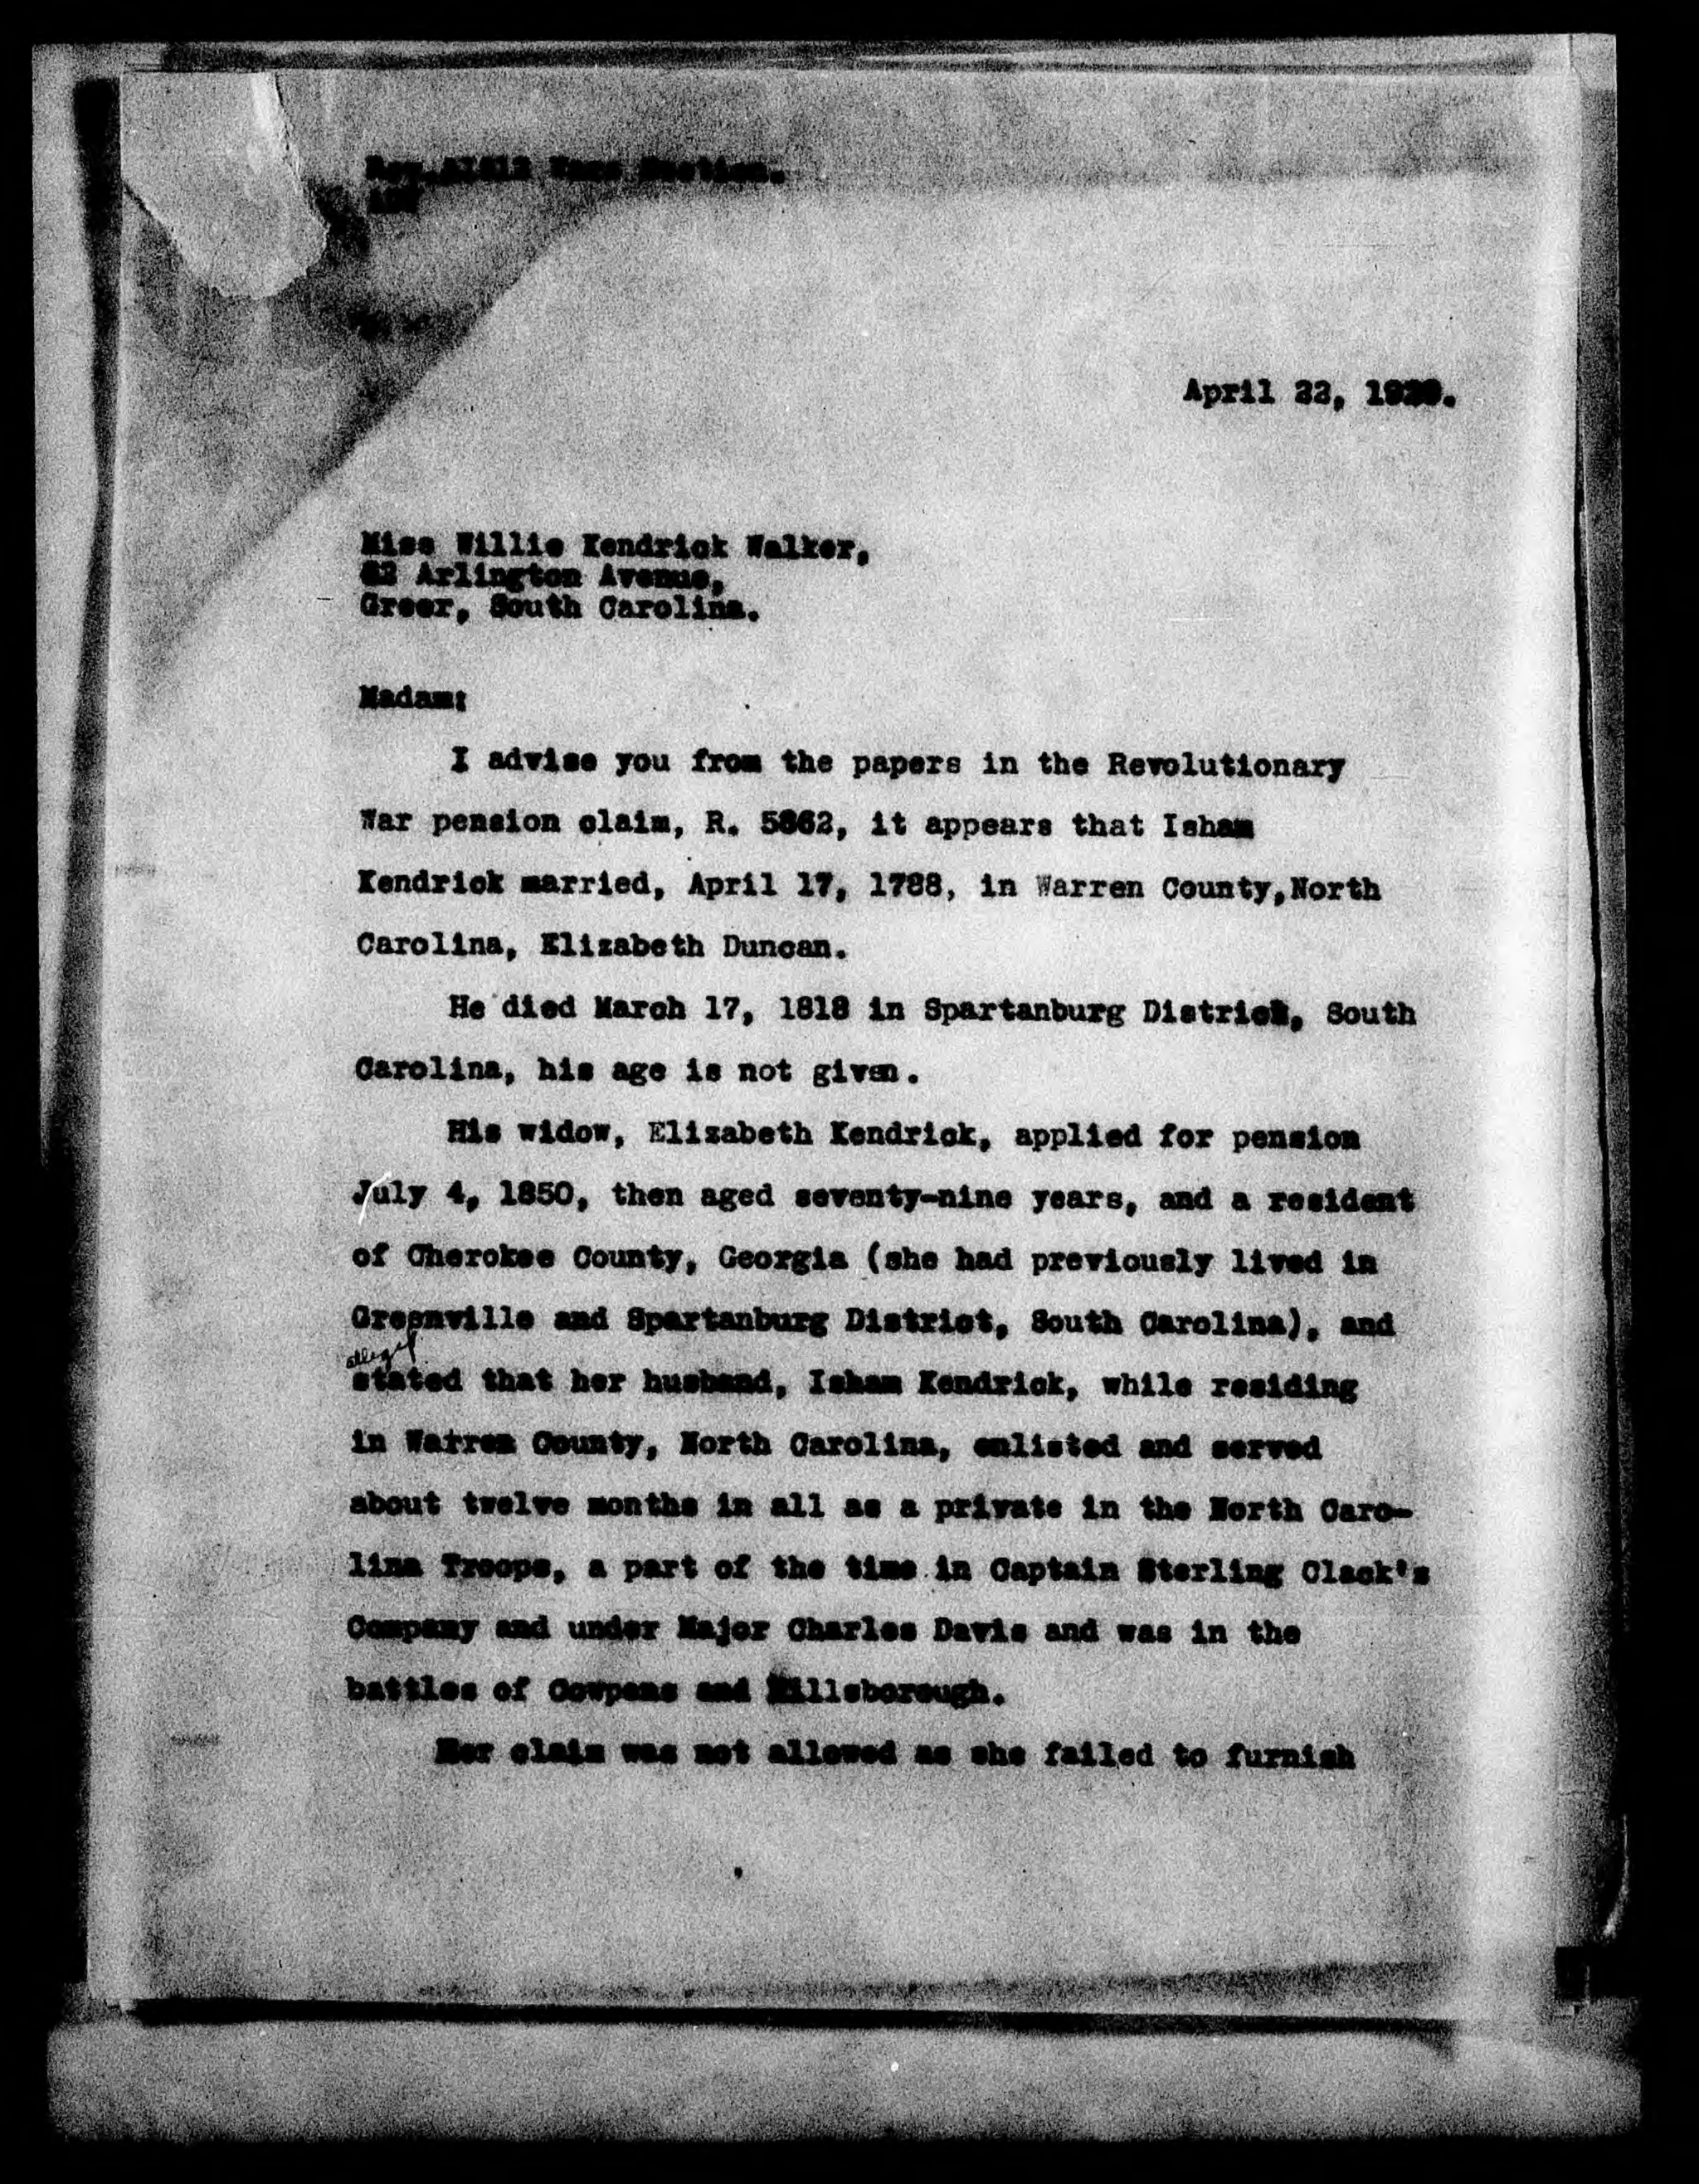April 22, 1929.

Miss Willie Kendrick Walker, 
62 Arlington Avenue,
Greer, South Carolina.

Madam:

I advise you from the papers in the Revolutionary
War pension claim, R. 5862, it appears that Isham 
Kendrick married, April 17, 1788, in Warren County, North
Carolina, Elizabeth Duncan.

He died March 17, 1818 in Spartanburg District, South
Carolina, his age is not given.

His widow, Elizabeth Kendrick, applied for pension 
July 4, 1850, then aged seventy-nine years, and a resident 
of Cherokee County, Georgia (she had previously lived in 
Greenville and 
Spartanburg District, South Carolina), and stated that her husband, Isham Kendrick, while residing
in Warren County, North Carolina, enlisted and served
about twelve months in all as a private in the North 
Carolina Troops, a part of the time in Captain Sterling Clack's 
Company and under Major Charles Davis and was in the 
battles of Cowpens and Hillsborough.

Her claim was not allowed as she failed to furnish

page: 25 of 29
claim: rejected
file: R. 5862, for Isham Kendrick, North Carolina